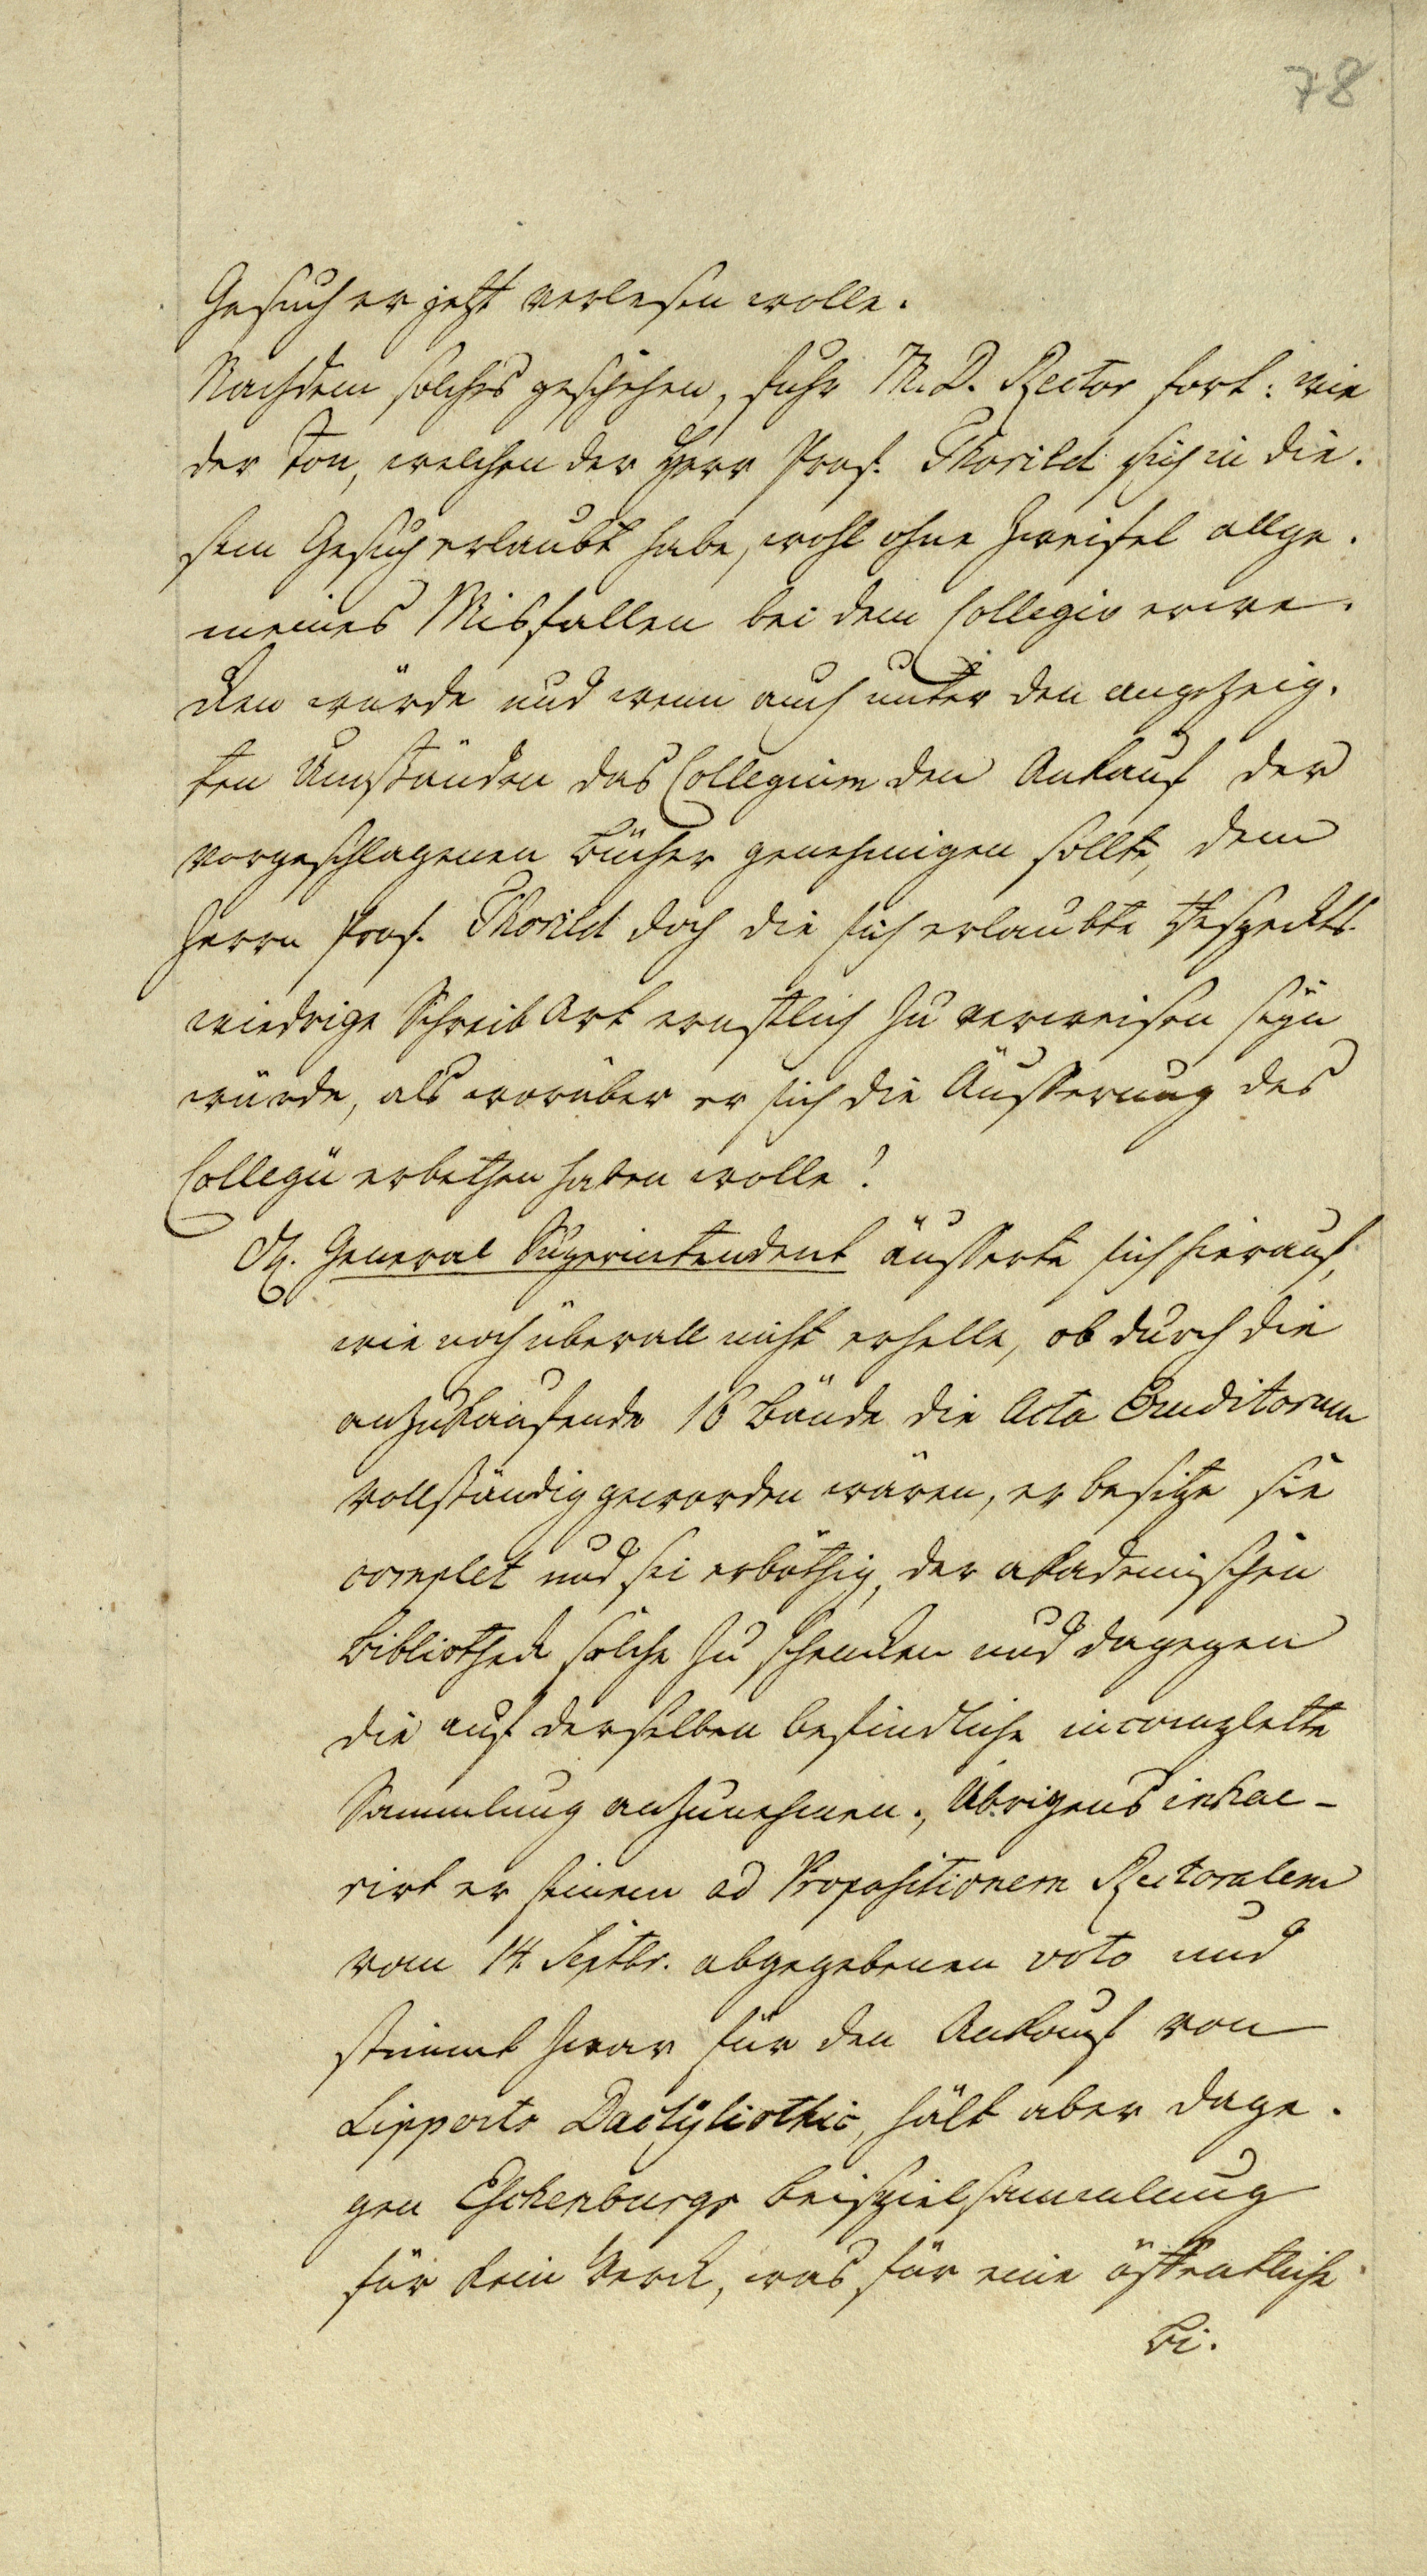Gesuch er jetzt verlesen wolle.
Nachdem solches geschehen, fuhr M. D. Rector fort: wie
der Ton, welchen der Herr Prof. Thorild sich in die¬
sem Gesuch erlaubt habe, wohl ohne Zweifel allge¬
meines Misfallen bei dem Collegio erwe¬
cken würde und wenn auch unter den angezeig¬
ten Umständen das Collegium den Ankauf der
vorgeschlagenen Bücher genehmigen sollte, dem
Herrn Prof. Thorild doch die sich erlaubte Respeckts¬
wiedrige SchreibArt ernstlich zu verweisen seÿn
würde, als worüber er sich die Äusserung des
Collegii erbethen haben wolle!
dh. General Superintendent äusserte sich hierauf,
wie noch überall nicht erhelle, ob durch die
anzukaufende 16 Bände die Acta Eruditorum
vollständig geworden wären, er besitze sie
complet und sei erböthig, der akademischen
Bibliotheck solche zu schencken und dagegen
die auf derselben befindliche incomplette
Sammlung anzunehmen; Übrigens inhae¬
rirt er seinem ad Propositionem Rectoralem
vom 14 Septbr. abgegebenen voto und
stimmt zwar für den Ankauf von
Lipperts Dactyliothec, hält aber dage¬
gen Eschenburgs Beispielsammlung
für kein Werck, was für eine öffentliche
Bi